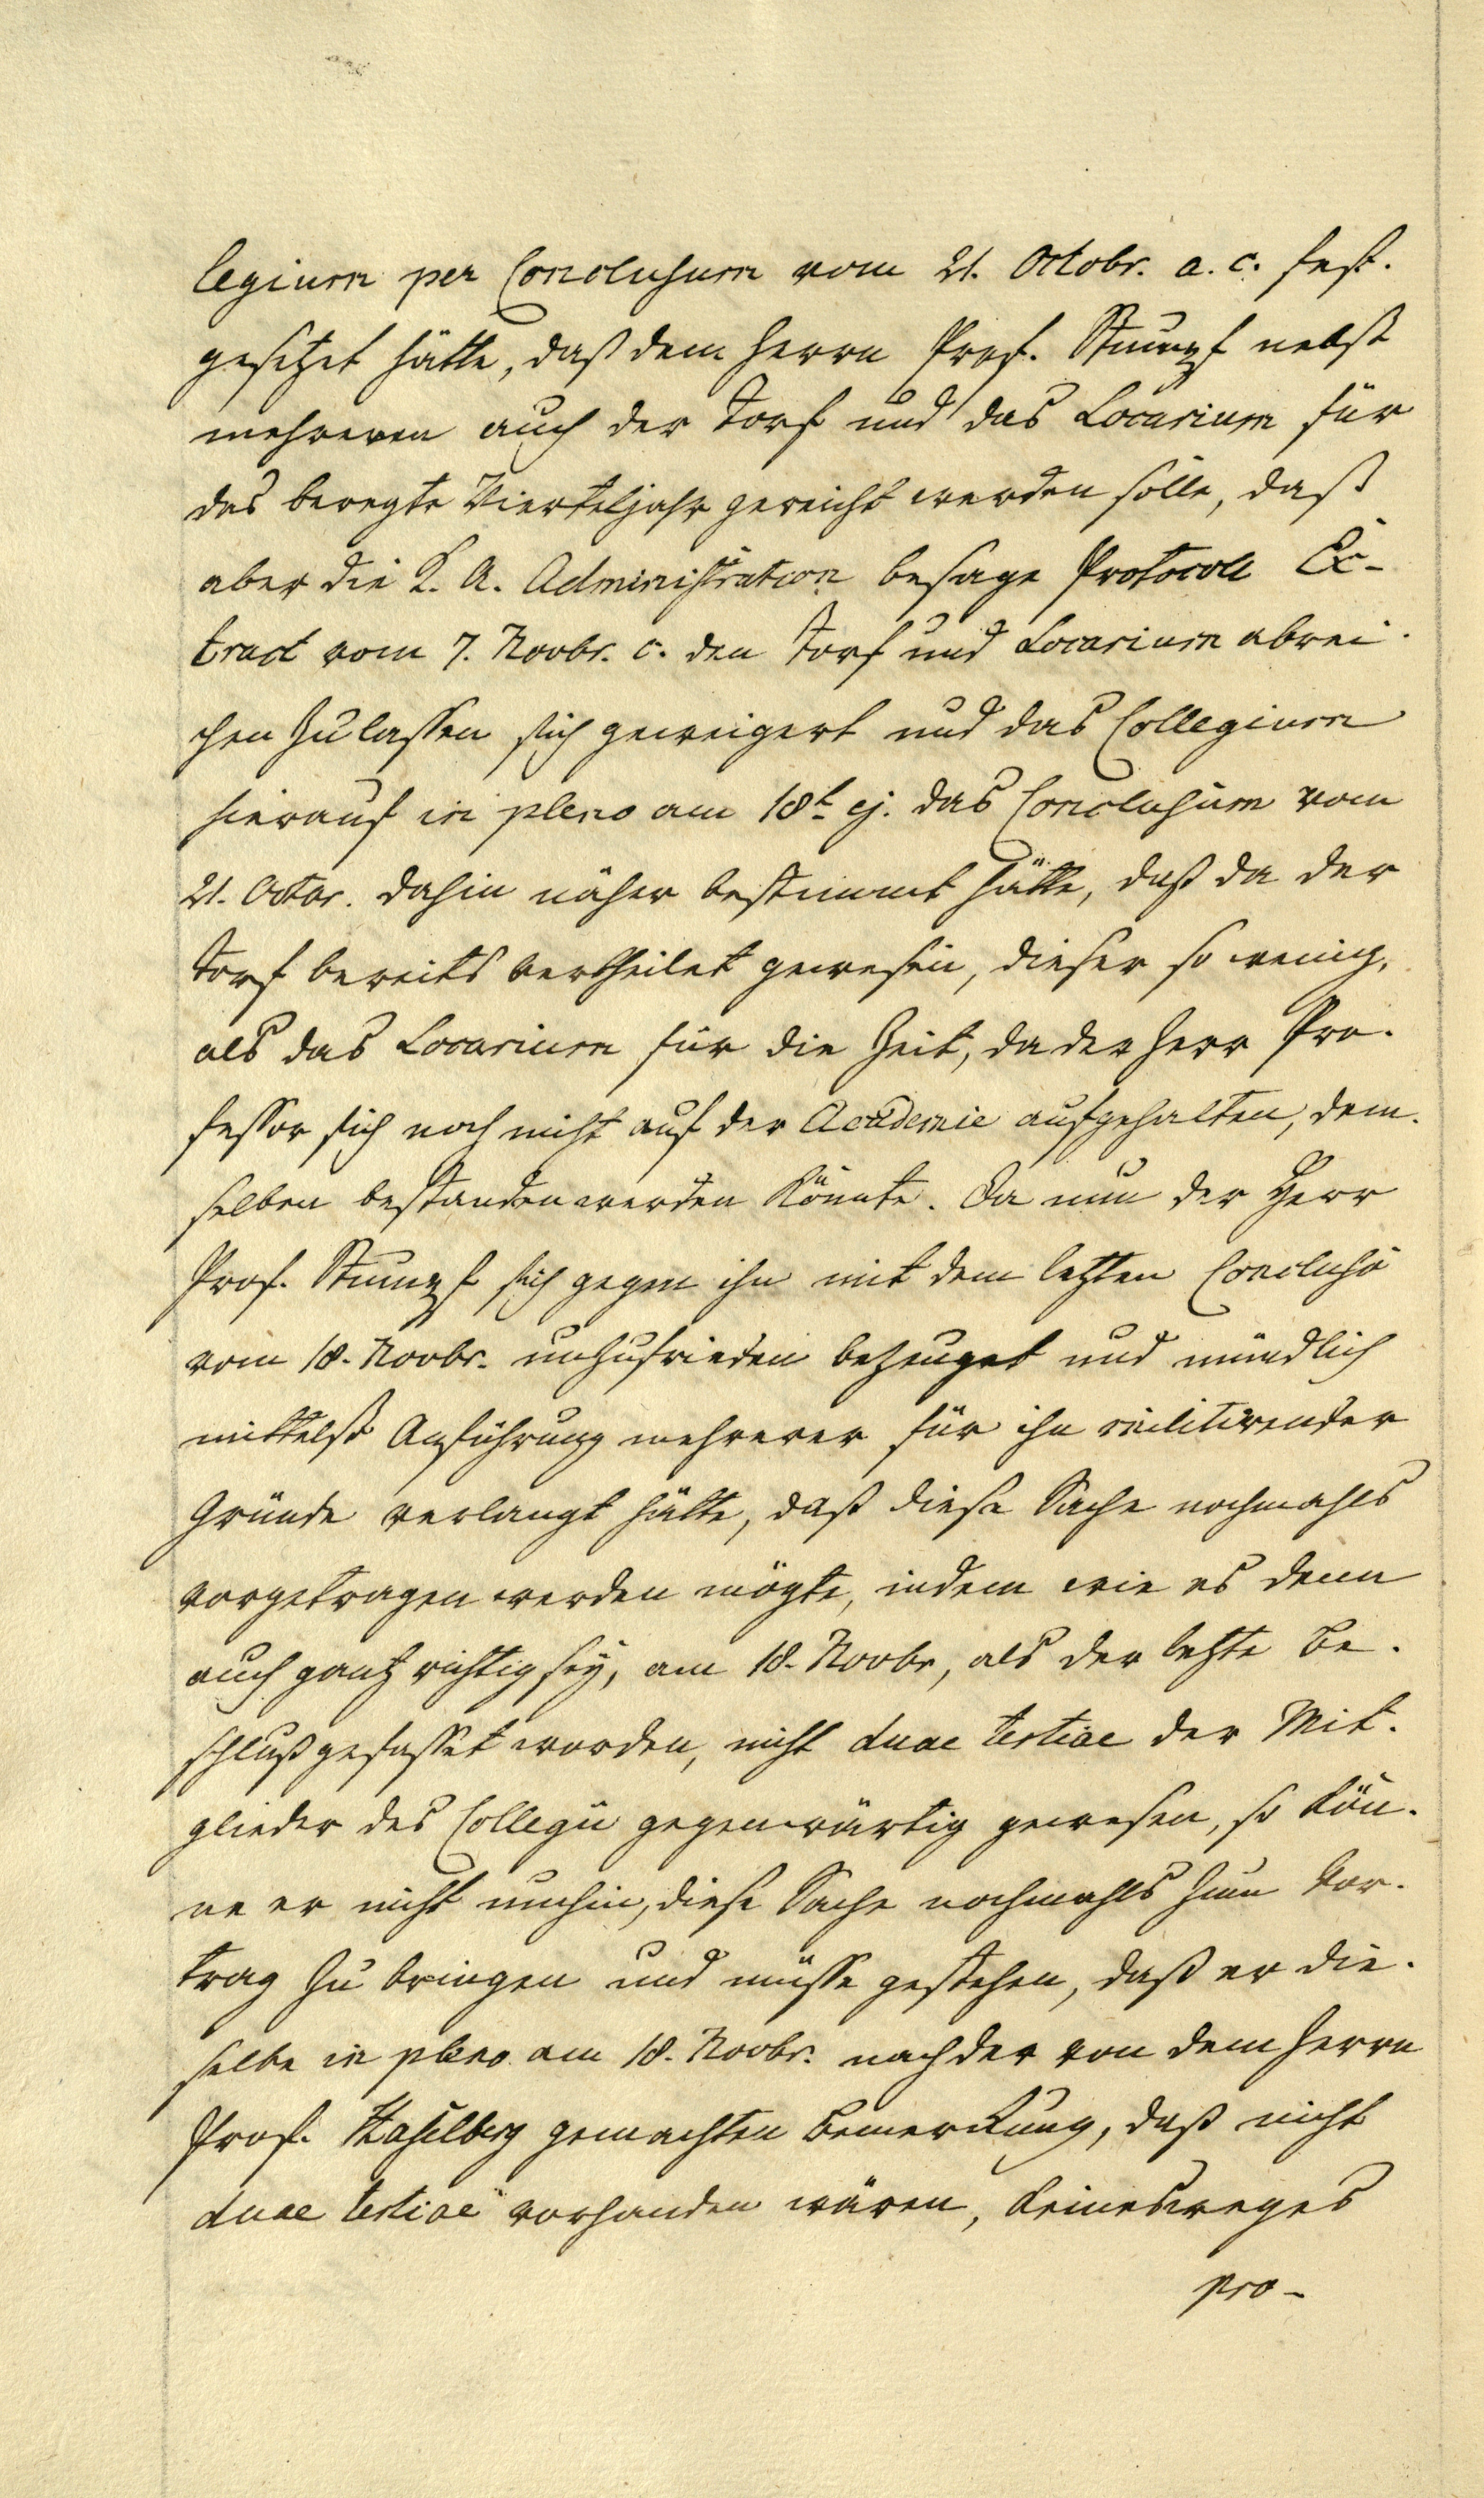legium per Conclusum vom 21. Octobr. a. c. fest¬
gesetzet hätte, daß dem Herrn Prof. Stumpf nebst
mehreren auch der Torf und das Locarium für
des beregte Vierteljahr gereicht werden solle, daß
aber die K. A. Administration besage Protocoll Ex¬
tract vom 7. Novbr. c. den Torf und Locarium abrei¬
chen zu lassen sich geweigert und das Collegium
hierauf in pleno am 18. ej. das Conclusum vom
21. Octobr. dahin näher bestimmt hätte, daß da der
Torf bereits vertheilet gewesen, dieser so wenig,
als das Locarium für die Zeit, da der Herr Pro¬
fessor sich noch nicht auf der Academie aufgehalten, dem¬
selben bestanden werden könnte. Da nun der Herr
Prof. Stumpf sich gegen ihn mit dem letzten Concluso
vom 18. Novbr. zufrieden bezeuget und mündlich
mittelst Anführung mehrerer für ihn militirender
Gründe verlangt hätte, daß diese Sache nochmahls
vorgetragen werden mögte, indem wie es denn
auch gantz richtig seÿ, am 18. Novbr, als der letzte Be¬
schluß gefasset worden, nicht duae tertiae der Mit¬
glieder des Collegii gegenwärtig gewesen, so kön¬
ne er nicht umhin, diese Sache nochmahls zum Vor¬
trag zu bringen und müsse gestehen, daß er die¬
selbe in pleno am 18. Novbr. nach der von dem Herrn
Prof. Haselberg gemachten Bemerckung, daß nicht
duae tertiae vorhanden wären, keinesweges
pro-